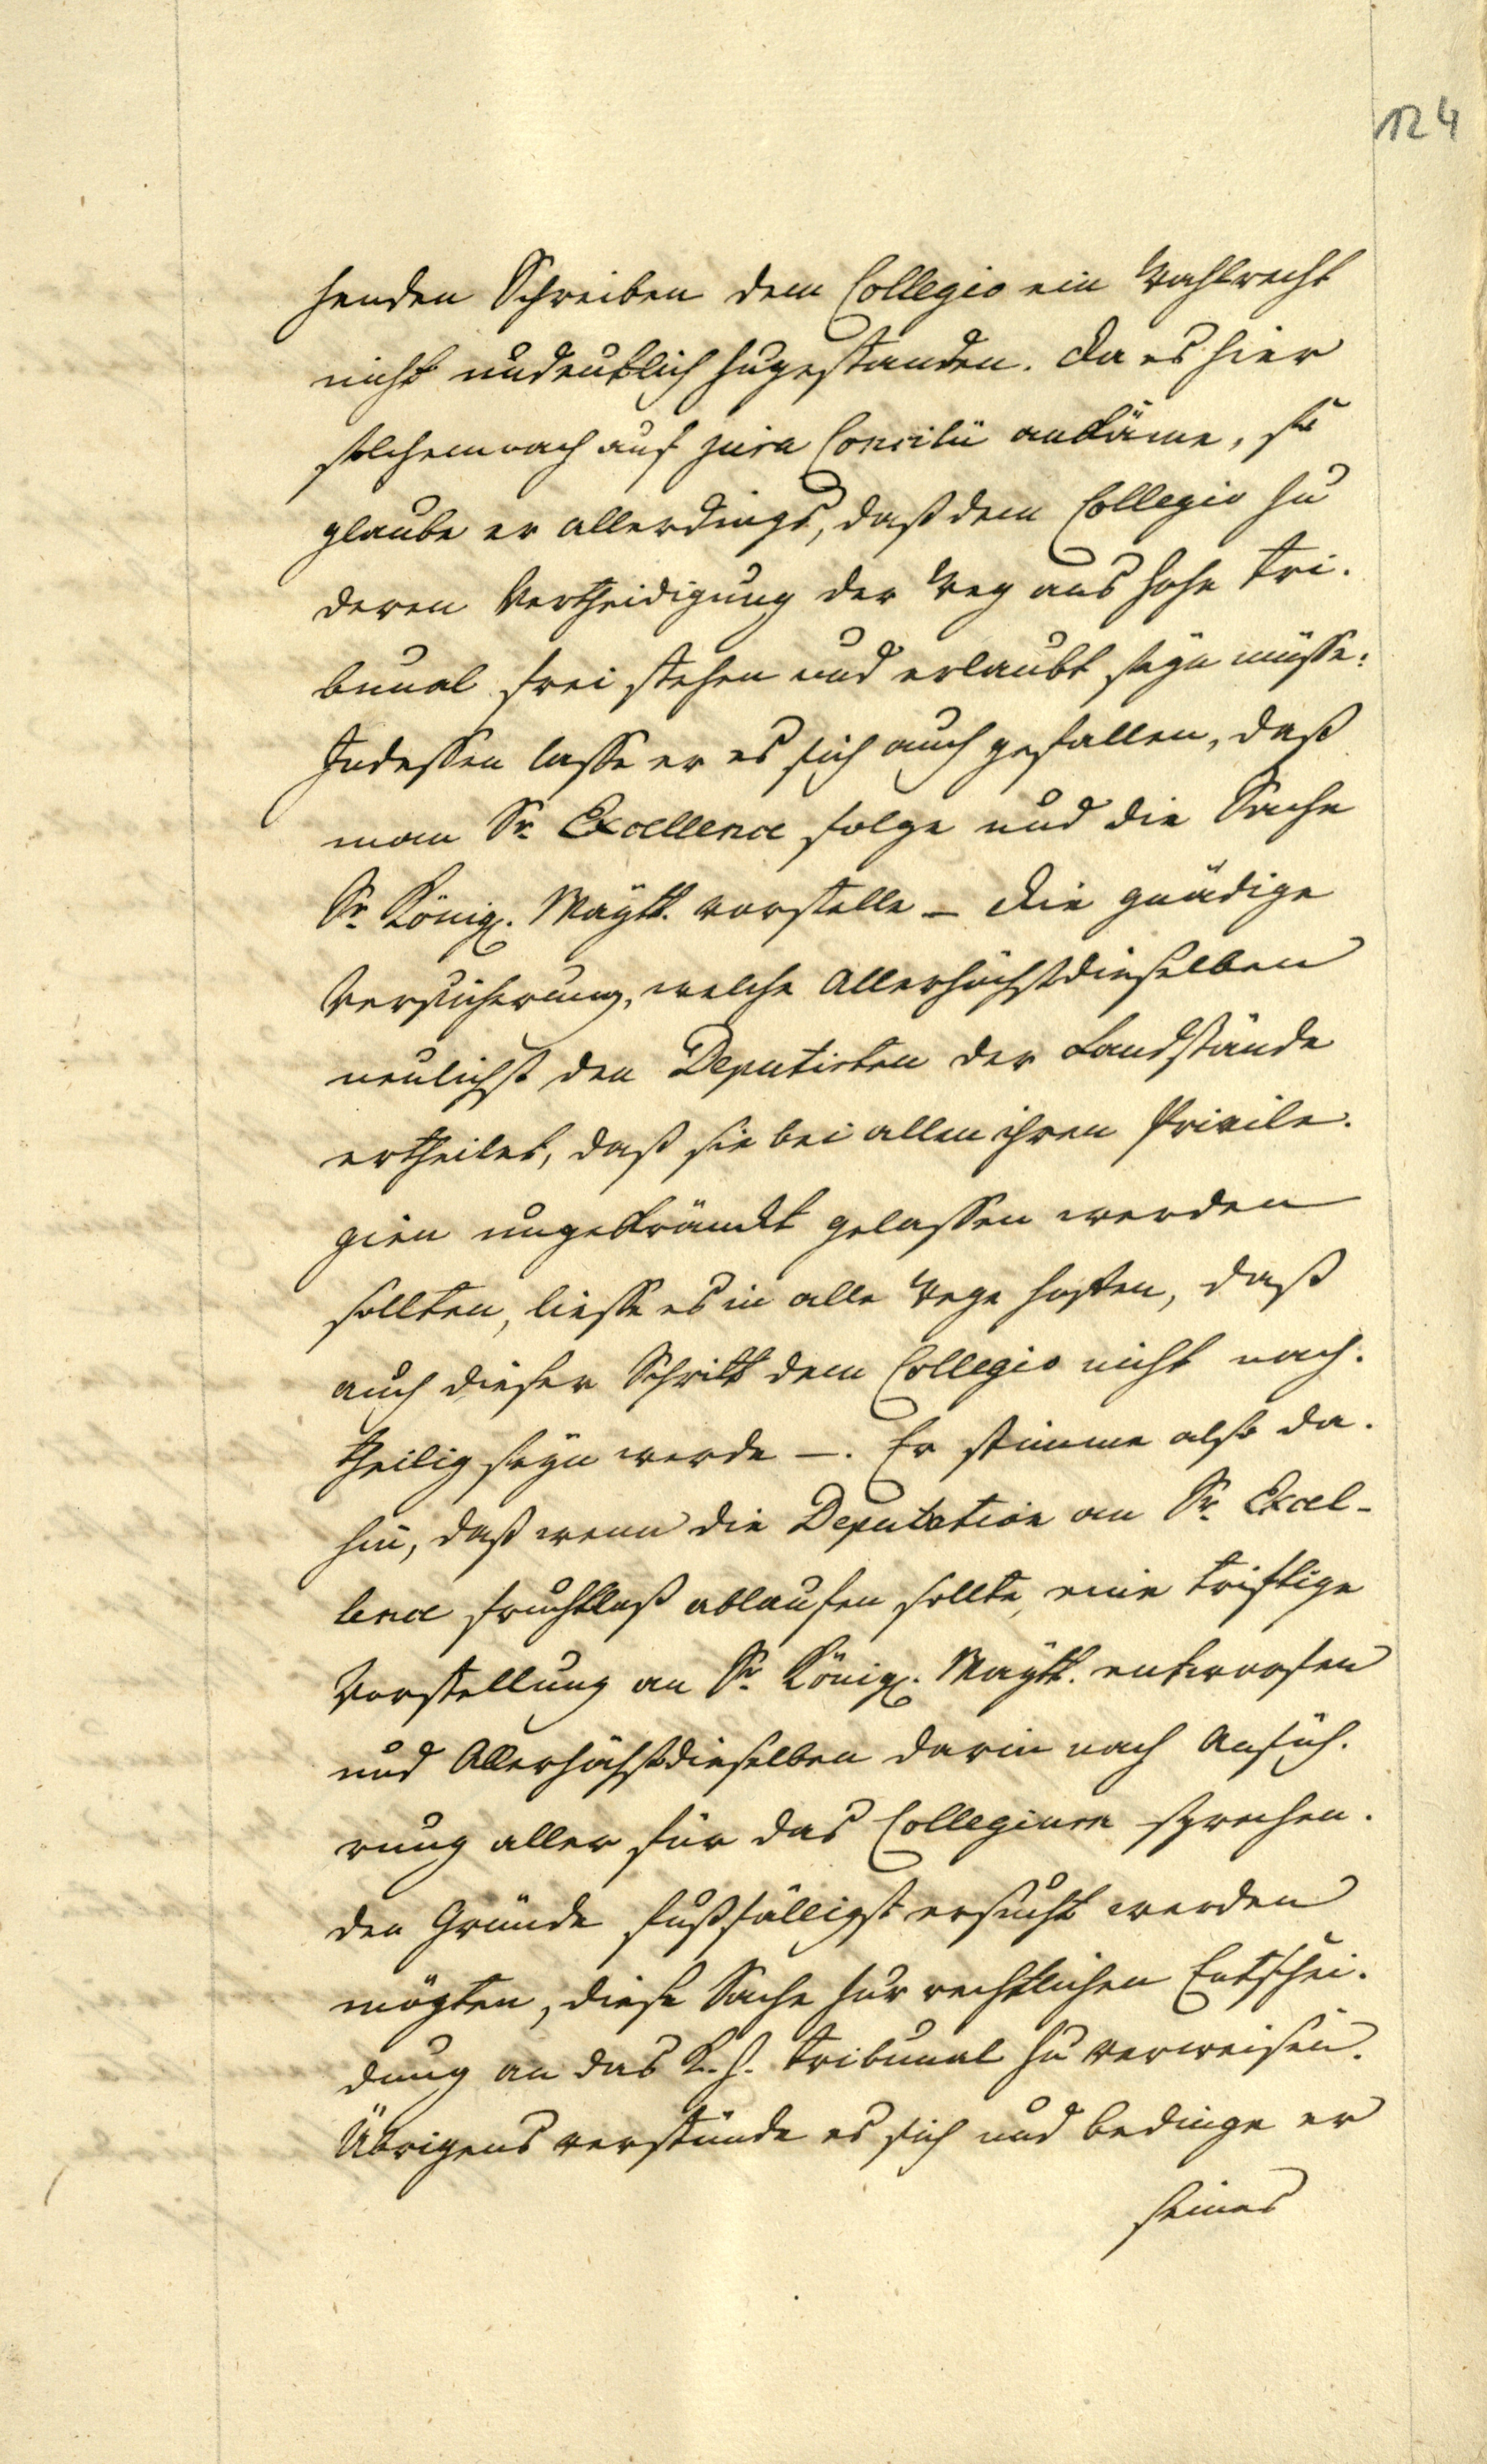henden Schreiben dem Collegio ein Wahlrecht
nicht undeutlih zugestanden. Da es hier
solchemnach auf jura Concilii ankäme, so
glaube er allerdings, daß dem Collegio zu
deren Vertheidigung der Weg ans hohe Tri¬
bunal frei stehen und erlaubt seÿn müsse.
Indessen lasse er es sich auch gefallen, daß
man Sr Excellence folgen und die Sache
Sr Königl. Maÿtt. vorstelle. Die gnädige
Versicherung, welche Allerhöchstdieselben
neulichst den Deputirten der Landstände
ertheilet, daß sie bei allen ihren Privile¬
gien ungekränckt gelassen werden
sollten, liesse es in alle Wege hoffen, daß
auch dieser Schritt dem Collegio nicht nach¬
theilig seÿn werde . Er stimme also da¬
hin, daß wenn die Deputation an Sr Excel¬
lence fruchtloß ablaufen sollte, eine triftige
Vorstellung an Sr Königl. Maÿtt. entworfen
und Allerhöchstdieselben darin nach Anfüh¬
rung aller für das Collegium sprechen¬
den Gründe zu fußfälligst ersucht werden
mögten, diese Sache zur rechtlichen Entschei¬
dung an das K. H. Tribunal zu verweisen.
Übrigens verstünde es sich und bedinge er
seines